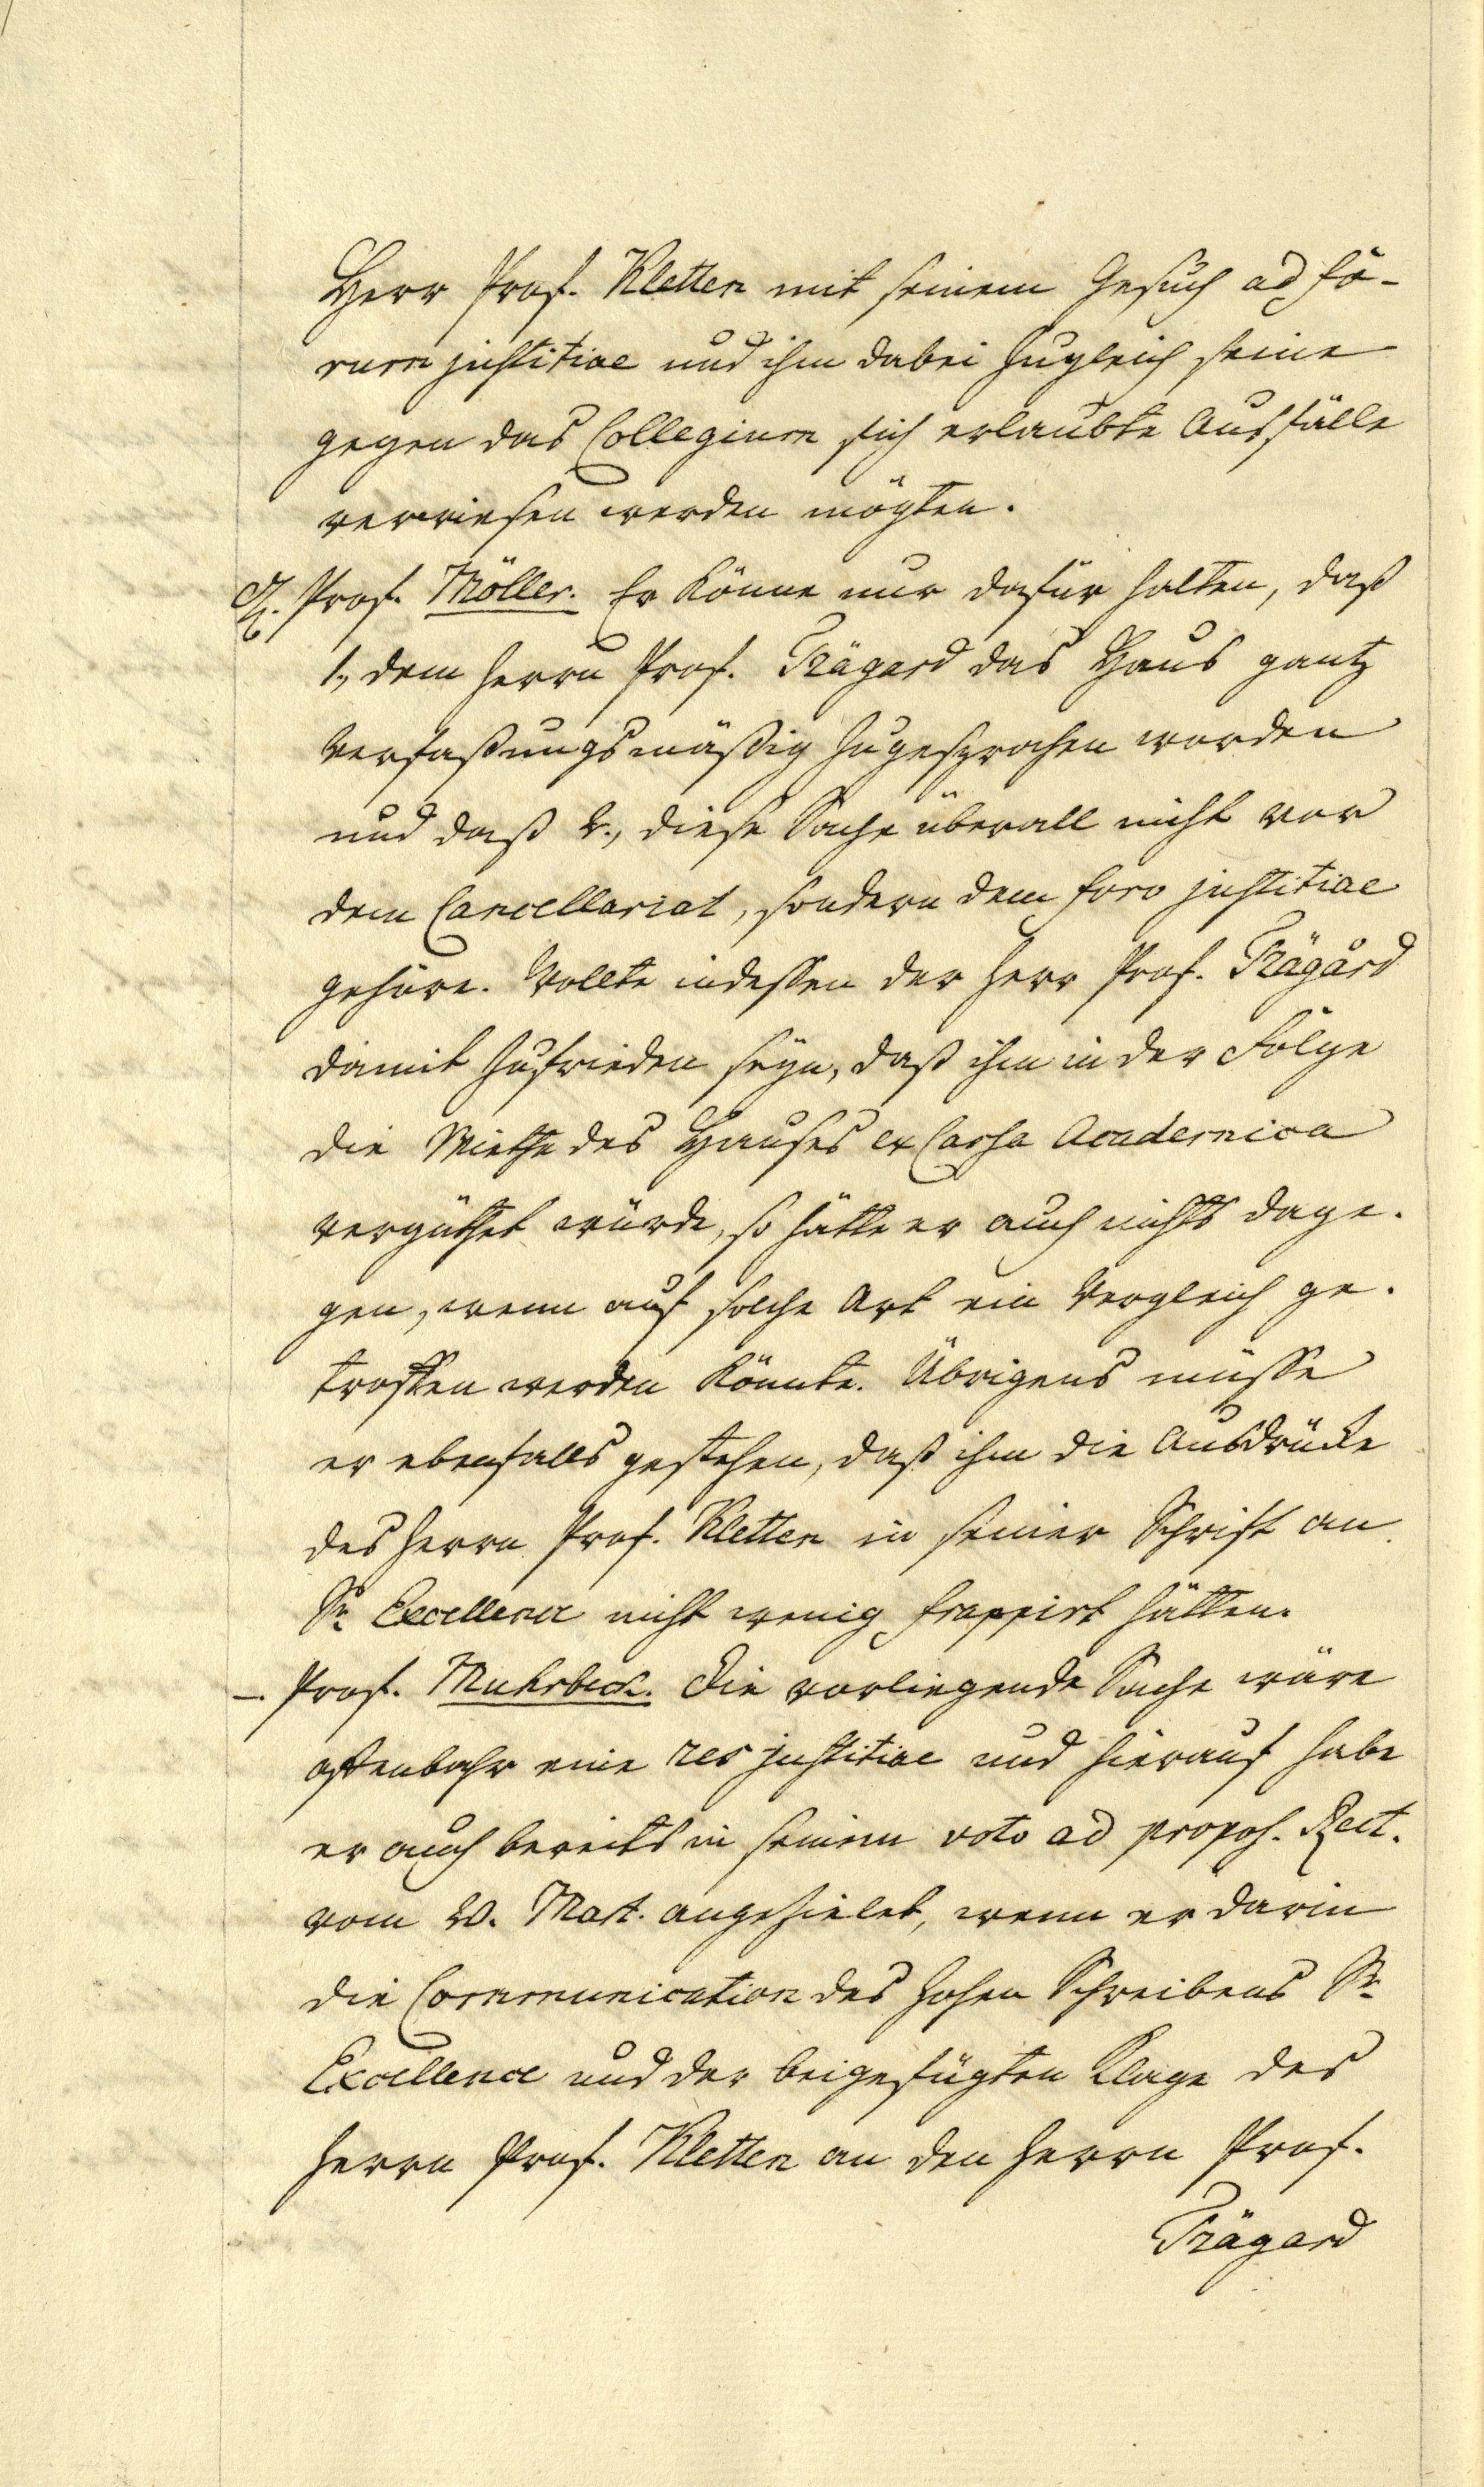Herr Prof. Kletten mit seinem Gesuch ad fo¬
rum justitiae und ihm dabei zugleich seine
gegen das Collegium sich erlaubte Ausfälle
verwiesen werden mögten.
dh. Prof. Möller. Er könne nur dafür halten, daß
1, dem Herrn Prof. Trägård das Haus gantz
verfaßungsmässig zugesprochen worden
und daß 2., diese Sache überall nicht vor
dem Cancellariat, sondern dem foro justitiae
gehöre. Wollte indessen der Herr Prof. Trägård
damit zufrieden seÿn, daß ihm in der Folge
die Miethe des Hauses ex Cassa Academica
vergüthet würde, so hätte er auch nichts dage¬
gen, wenn auf solche Art ein Vergleich ge¬
troffen werden könnte. Übrigens müsse
er ebenfalls gestehen, daß ihm die Ausdrücke
des Herrn Prof. Kletten in seiner Schrift an
Sr Excellence nicht wenig frappirt hätten.
Prof. Muhrbeck. Die vorliegende Sache wäre
offenbahr eine res justitiae und hierauf habe
er auch bereits in seinem voto ad propos. Rect.
vom 20. Mart. angezielet, wenn er darin
die Communication des Hohen Schreibens Sr
Excellence und der beigefügten Klage des
Herrn Prof. Kletten an den Herrn Prof.
Trägård